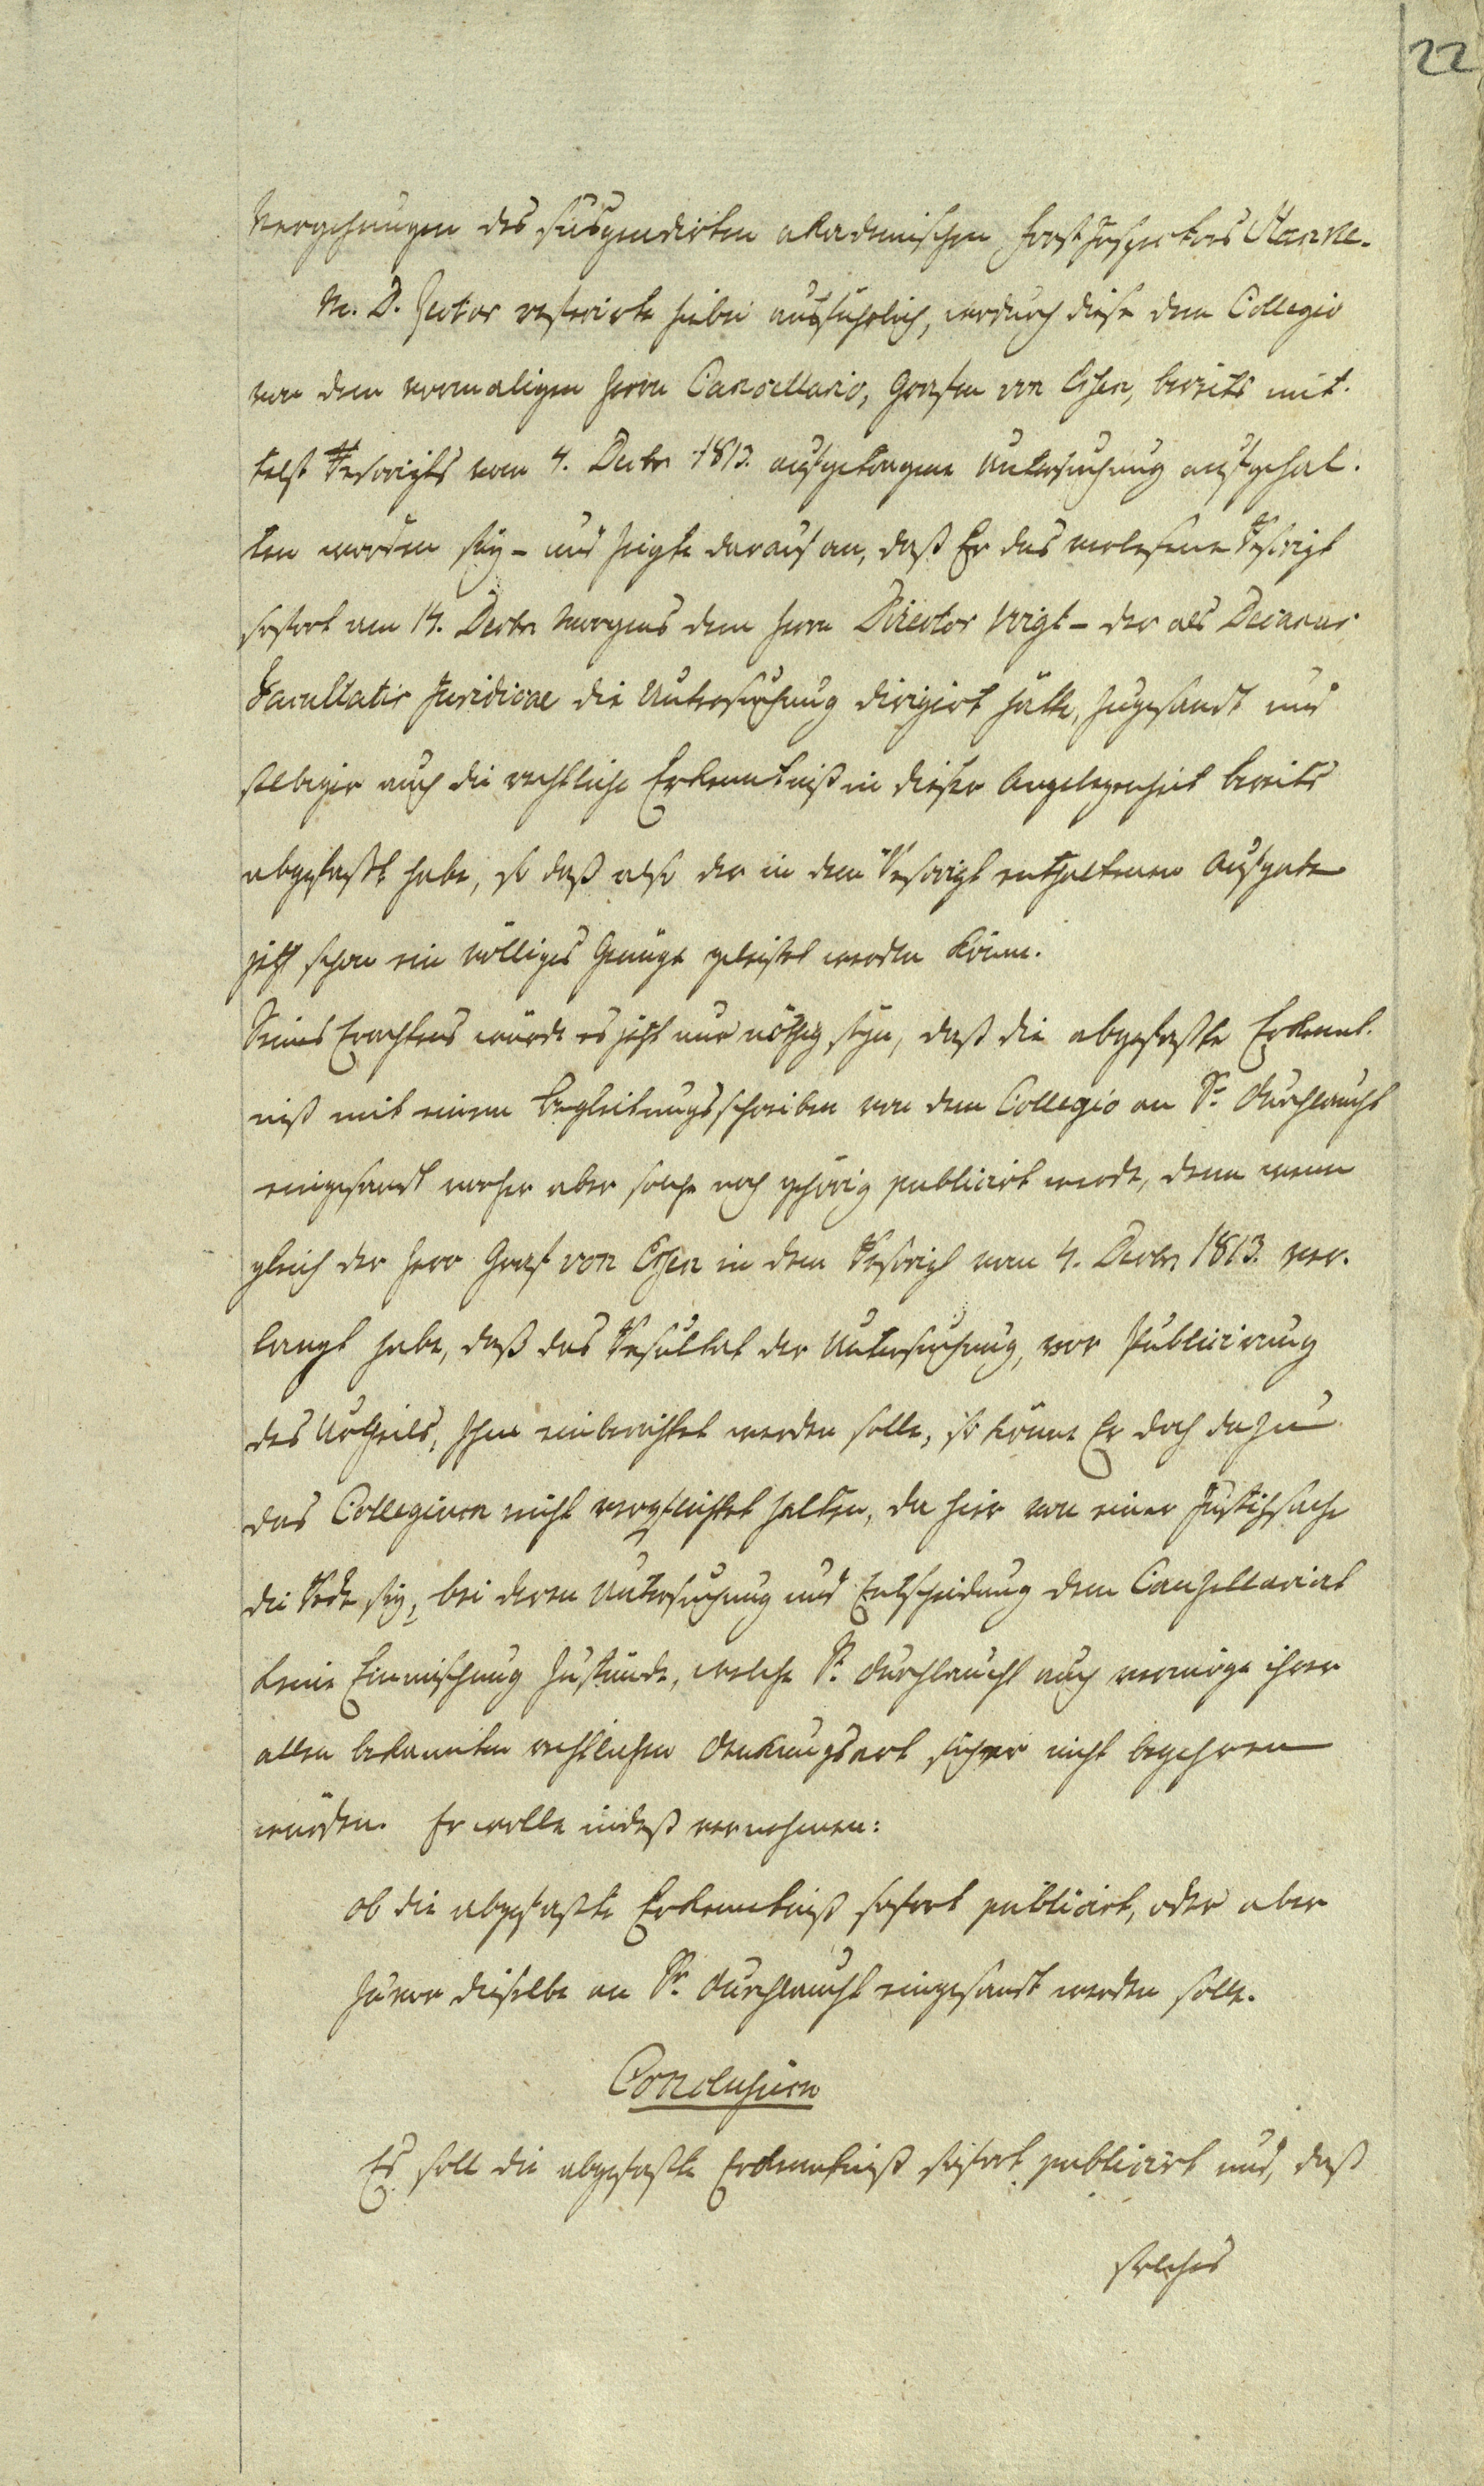Vergehungen des supendirten akademischen ForstInspectores Hanke.
M. D. Rector referirte hiebei ausführlich, wodurch diese dem Collegio
von dem vormaligen Herrn Cancellario, Grafen von Essen bereits mit¬
telst Rescripts vom 4. Decbr. 1813. aufgetragene Untersuchung aufgehal¬
ten worden seÿ - und zeigte darauf an, daß Er das verlesene Rescript
sofort am 14. Decbr Morgens dem Herrn Director Voigt - der als Decanus
Facultatis Juridicae die Untersuchung dirigirt hätte, zugesandt und
selbiger auch die rechtliche Erkenntniß in dieser Angelegenheit bereits
abgefaßt habe, so daß also der in dem Rescript enthaltenen Aufgabe
jetzt schon ein völliges Genüge geleistet werden könne.
Seines Erachtens würde es jetzt nur nöthig seÿn, daß die abgefaßte Erkennt¬
niß mit einem Begleitungsschreiben von dem Collegio an Sr. Durchlaucht
eingesandt vorher aber solche noch gehörig publicirt werde, denn wenn
gleich der Herr Graf von Essen in dem Rescript vom 4. Decbr. 1813. ver¬
langt habe, daß das Resultat der Untersuchung, vor Publicirung
des Urtheils, Ihm einberichtet werden solle, so könne Er doch dazu
das Collegium nicht verpflichtet halten, da hier von einer Justizsache
die Rede seÿ, bei deren Untersuchung und Entscheidung dem Canzellariat
keine Einmischung zustünde, welche Sr. Durchlaucht auch vermöge ihrer
allen bekannten rechtlichen Denkungsart sicher nicht begehren
würden. Er wolle indeß vernehmen:
ob die abgefaßte Erkenntniß sofort publicirt, oder aber
zuvor dieselbe an Sr. Durchlaucht eingesandt werden solle.
Conclusum
Es soll die abgefaßte Erkenntniß sofort publicirt und, daß
solches